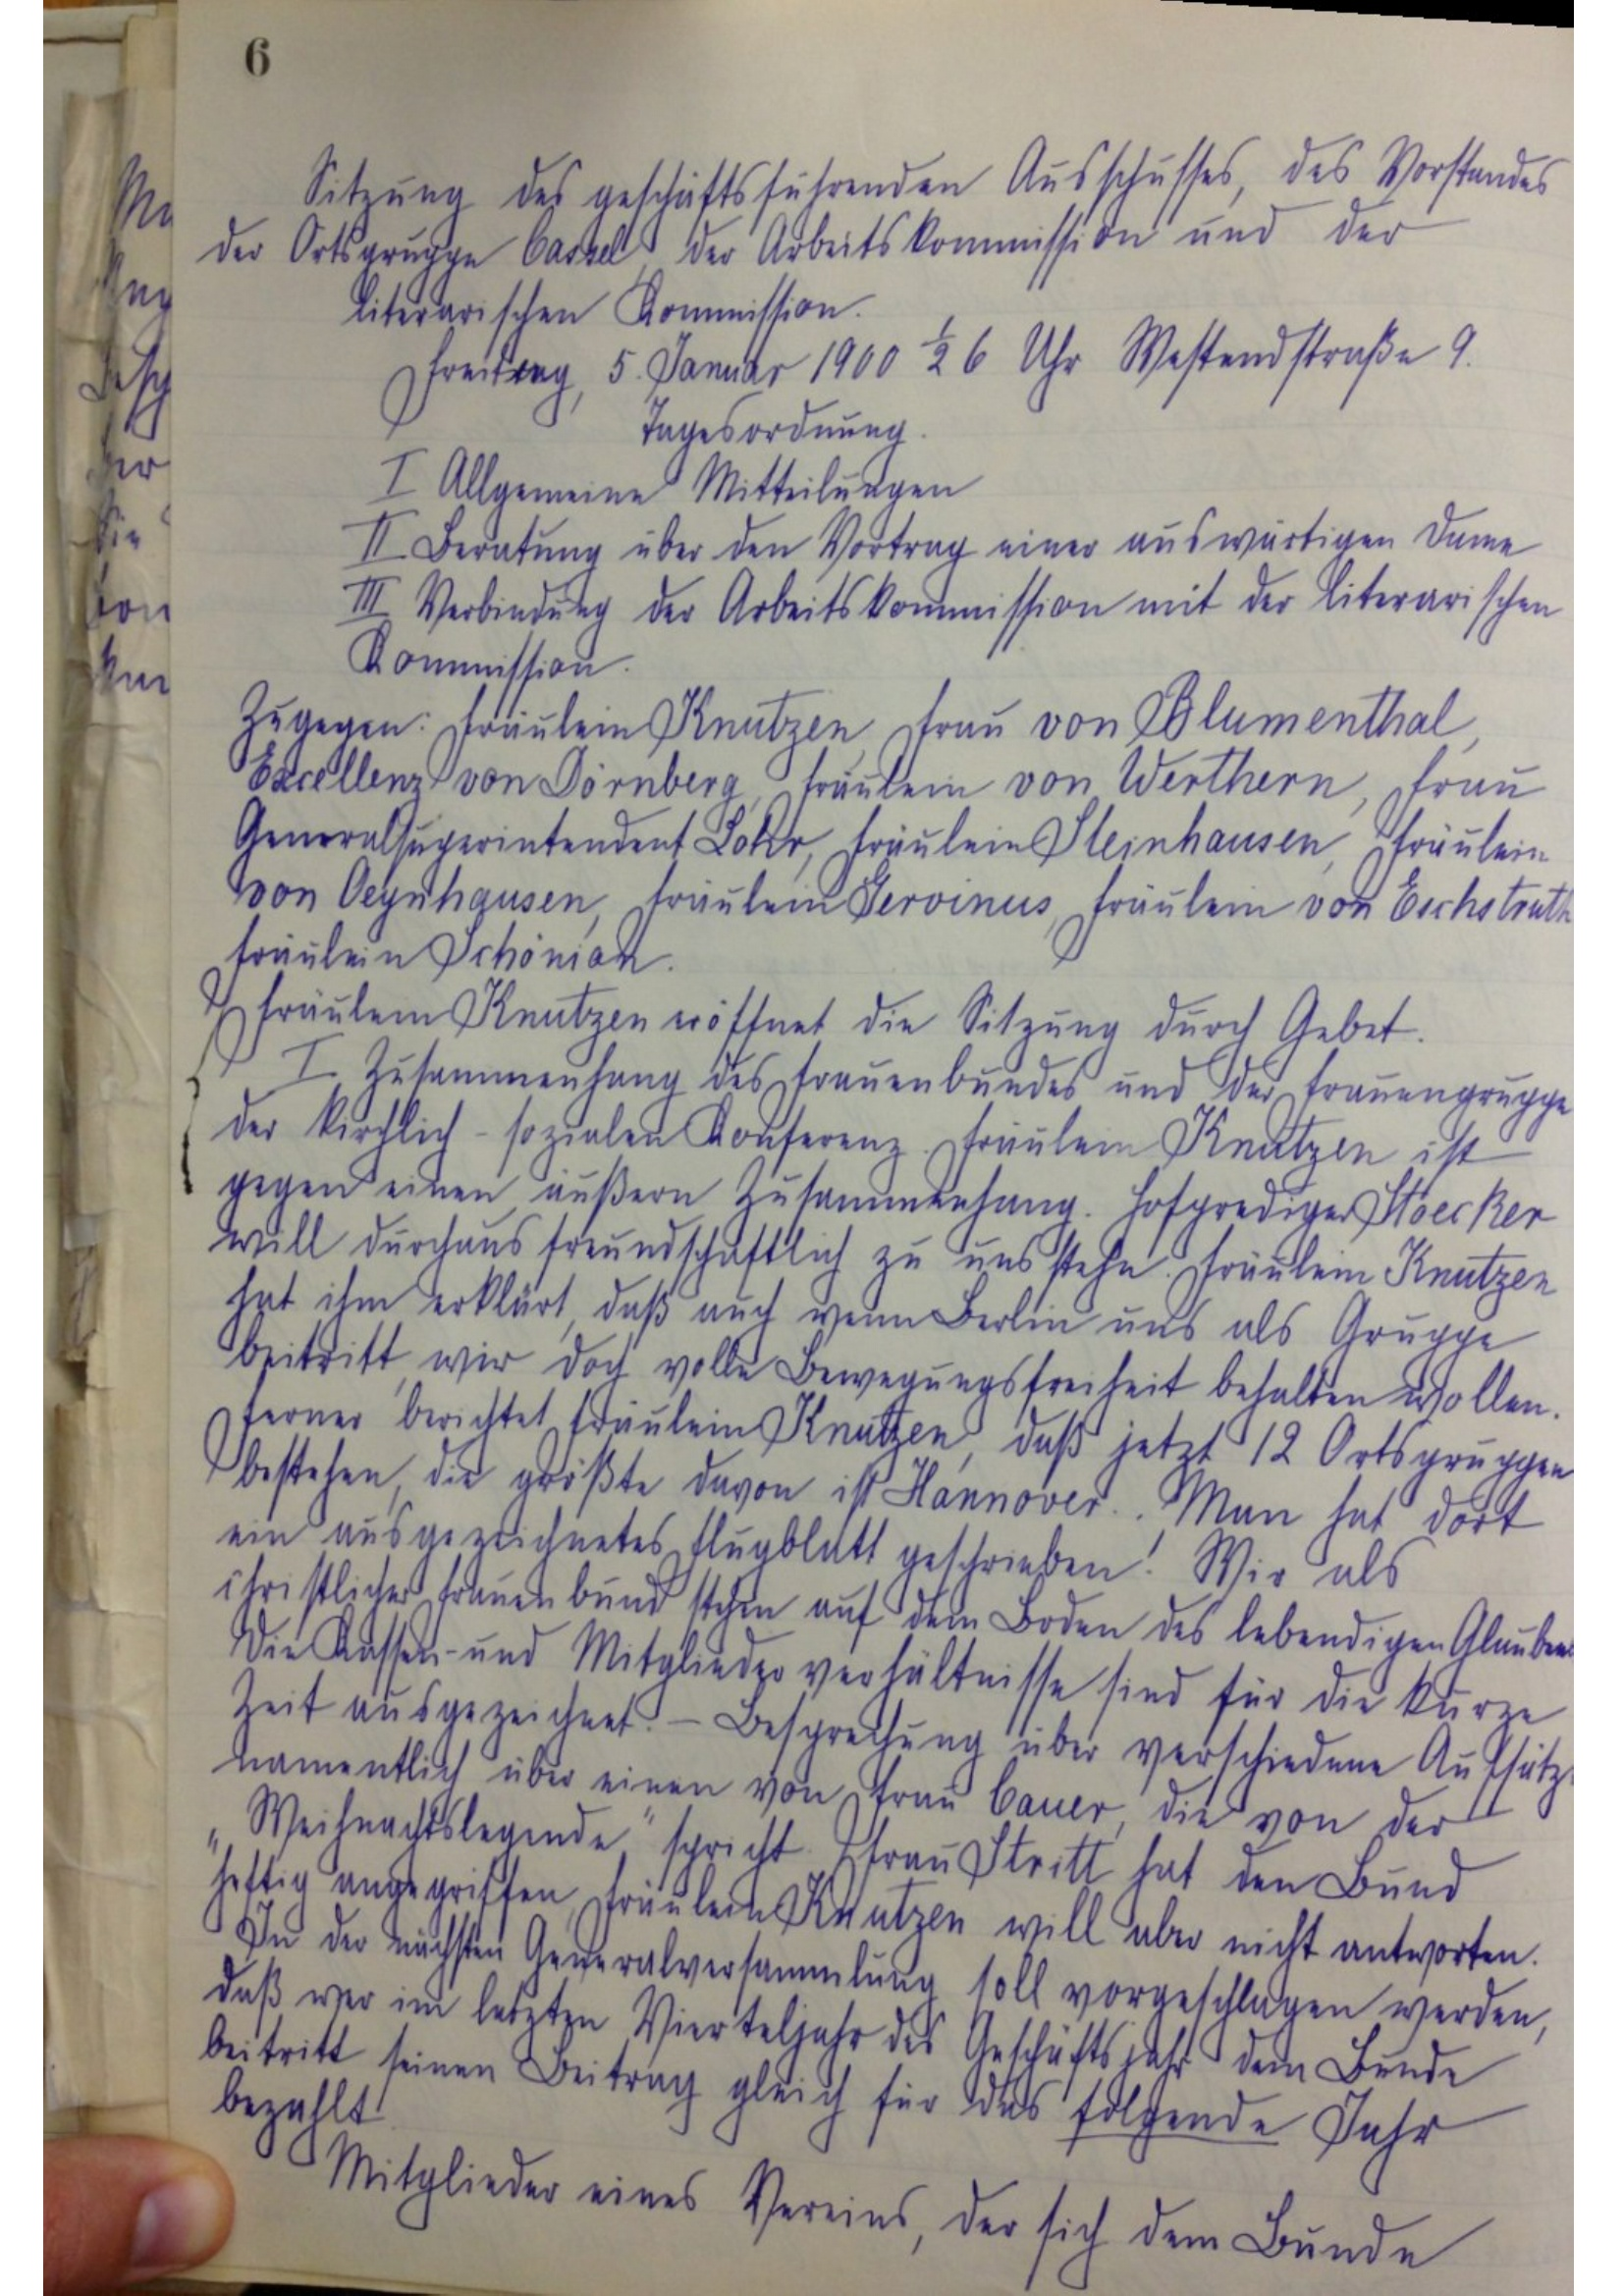Sitzung des geschäftsführenden Ausschusses, des Vorstandes
der Ortsgruppe Cassel, der Arbeitskommision und der
literarischen Kommision.
Freitag, 5. Januar 1900 ½ 6 Uhr Westendstraße 9
Tagesordnung
I Allgemeine Mitteilungen
II Beratung über den Vortrag einer auswärtigen Dame
III Verbindung der Arbeitskommision mit der literarischen
Kommision
Zugegen: Fäulein Knutzen, Frau von Blumenthal,
Exzellenz von Dornberg, Fräulein von Werthern, Frau
Generalsuperintendent Lohr, Fräulein Steinhausen, Fräulein
von Oeynhausen, Fräulein Servinus, Fräulein von Eschstruth,
Fräulein Schönian
Fräulein Knutzen eröffnet die Sitzung durch Gebet.
I. Zusammenhang des Frauenbundes und der Frauengruppe
der kirchlich-sozialen Konferenz. Fräulein Knutzen ist
gegen einen äußern Zusammenhang. Hofprediger Stoecker
will durchaus freundschaftlich zu uns stehen. Fräulein Knutzen
hat ihm erklärt, daß auch wenn Berlin uns als Gruppe
beitritt, wir doch volle Bewegungsfreiheit behalten wollen.
Ferner berichtet Fräulein Knutzen, daß jetzt 12 Ortsgruppen bestehen,
die größte davon in Hannover. Man hat dort
ein ausgezeichnetes Flugblatt geschrieben! Wir als
christlicher Frauenbund stehen auf dem Boden des lebendigen Glaubens.
Die Kassen- und Mitgliederverhältnisse sind für die kurze
Zeit ausgezeichnet. – Besprechung über verschiedene Aufsätze
namentlich über einen von Frau Cauer, die von der
„Weihnachtslegende" spricht. Frau Stritt hat den Bund
heftig angegriffen, Fräulein Knutzen will aber nicht antworten.
In der nächsten Generalversammlung soll vorgeschlagen werden,
daß wer im letzten Vierteljahr des Geschäftsjahr dem Bunde
beitritt seinen Beitrag gleich für das folgende Jahr
bezahlt.
Mitlgieder eines Vereins, der sich dem Bunde